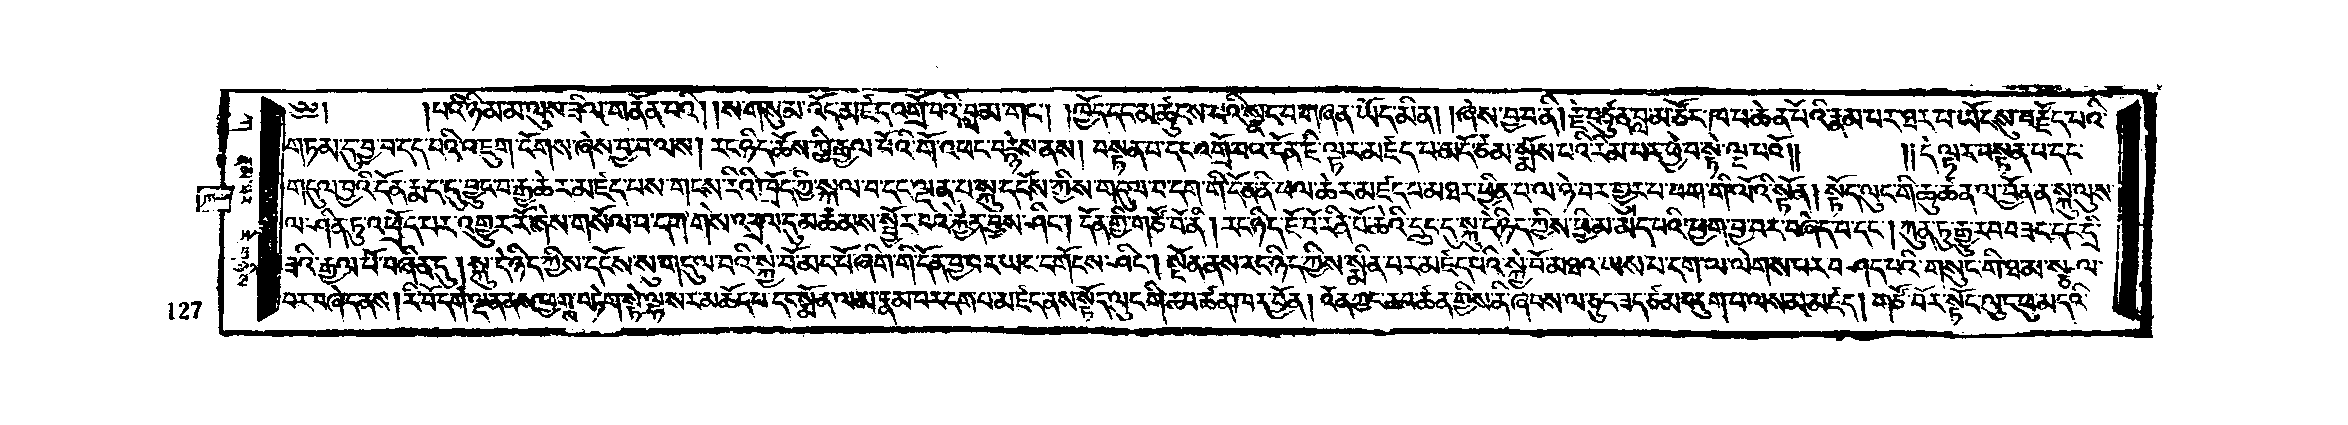༄༅། །པའི་ཉི་མ་མ་ལུས་ཟིལ་གནོན་པའི། །ས་གསུམ་འོད་མཛད་འགྲོ་བའི་བླ་མ་གང་། །ཁྱོད་དང་མཚུངས་པའི་སྣང་བ་གཞན་ཡོད་མིན། །ཞེས་བྱ་བ་ནི། རྗེ་བཙུན་བླ་མ་ཙོང་ཁ་པ་ཆེན་པོའི་རྣམ་པར་ཐར་པ་ཡོངས་སུ་བརྗོད་པའི་
གཏམ་དུ་བྱ་བ་དད་པའི་འཇུག་ངོགས་ཞེས་བྱ་བ་ལས། རང་ཉིད་ཆོས་ཀྱི་རྒྱལ་པོའི་གོ་འཕང་བརྙེས་ནས། བསྟན་པ་དང་འགྲོ་བའི་དོན་ཇི་ལྟར་མཛད་པ་མདོ་ཙམ་སྨོས་པའི་རིམ་པར་ཕྱེ་བ་སྟེ་ལྔ་པའོ།། །།དེ་ལྟར་བསྟན་པ་དང་
གདུལ་བྱའི་དོན་རྨད་དུ་བྱུང་བ་རྒྱ་ཆེར་མཛད་པས་གངས་རིའི་ཁྲོད་ཀྱི་སྐལ་བ་དང་ལྡན་པ་སྐུ་དངོས་ཀྱིས་གདུལ་བ་དག་གི་དོན་ནི་ཕལ་ཆེར་མཛད་པ་མཐར་ཕྱིན་པ་ལ་ཉེ་བར་གྱུར་པ་ཕག་གི་ལོའི་སྟོན། སྟོད་ལུང་གི་ཆུ་ཚན་ལ་བྱོན་ན་སྐུ་ལུས་
ལ་ཤིན་ཏུ་འཕྲོད་པར་འགྱུར་རོ་ཞེས་གསོལ་བ་དག་གིས་འཕྲལ་དུ་མཚམས་སྦྱོར་བའི་རྐྱེན་བྱས་ཤིང་། དོན་གྱི་གཙོ་བོ་ནི། རང་ཉིད་ཇོ་བོ་རིན་པོ་ཆེའི་དྲུང་དུ་སྐུ་དེ་ཉིད་ཀྱིས་ཕྱི་མ་མེད་པའི་ཕྱག་བྱ་བར་བཞེད་པ་དང་། ཀུན་ཏུ་རྒྱུ་རབ་བཟང་དང་དྲི་
ཟའི་རྒྱལ་པོ་བཞིན་དུ། སྐུ་དེ་ཉིད་ཀྱིས་དངོས་སུ་གདུལ་བའི་སྐྱེ་བོ་མང་པོ་ཞིག་གི་དོན་བྱ་བར་ཡང་དགོངས་ཤིང་། སྔོན་ནས་རང་ཉིད་ཀྱིས་སྨིན་པར་མཛད་པའི་སྐྱེ་བོ་མཐའ་ཡས་པ་དག་ལ་ལེགས་པར་བཤད་པའི་གསུང་གི་ཐ་མ་སྩལ་
བར་བཞེད་ནས། རི་བོ་དགེ་ལྡན་ནས་ཕྱགས་བཏེག་སྟེ་ལྷ་སར་མཆོད་པ་དང་སྨོན་ལམ་རྣམ་པར་དག་པ་མཛད་ནས་སྟོད་ལུང་གི་ཆབ་ཚན་ཁར་བྱོན། འོན་ཀྱང་ཆབ་ཚན་གྱིས་ནི་ཞབས་ལ་ཅུང་ཟད་ཙམ་བདུག་པ་ལས་མ་མཛད། གཙོ་བོར་སྟོང་ལུང་ཕུ་མདའི་